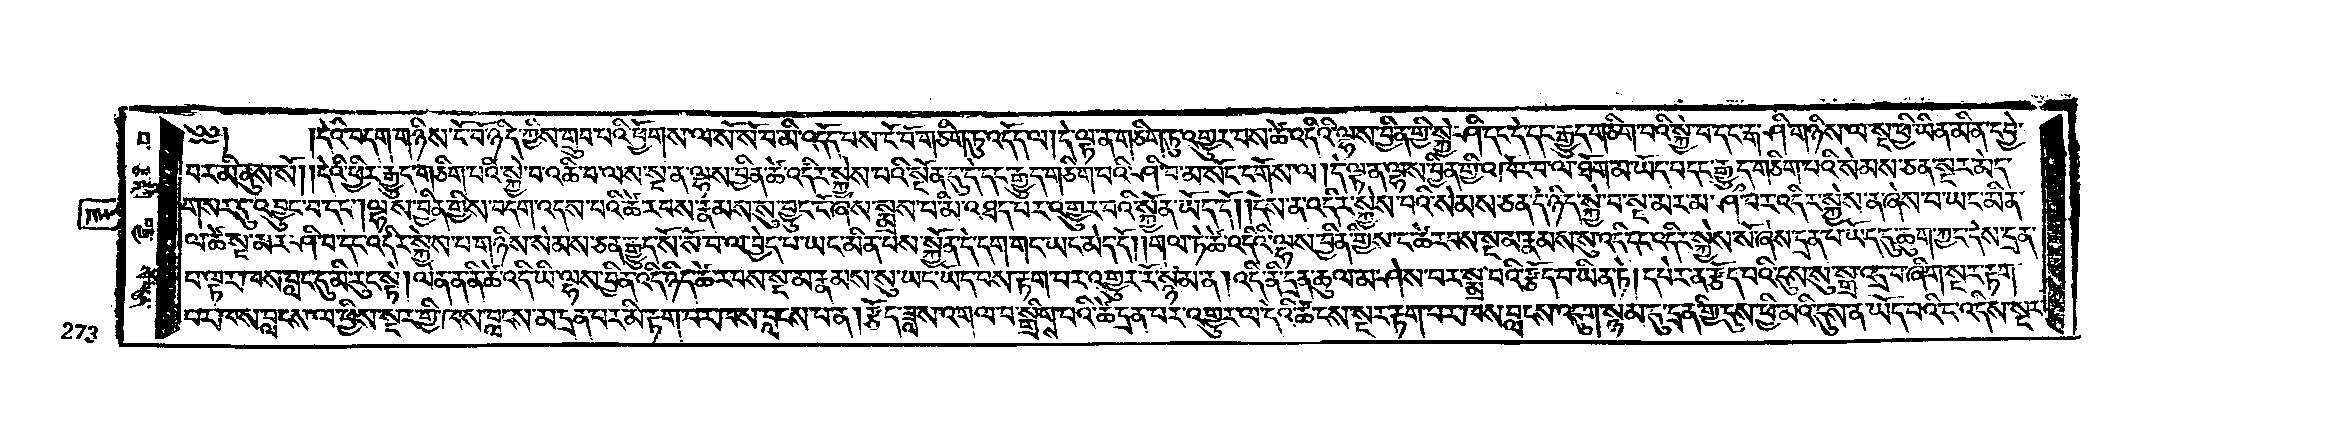༄༅། །དེའི་བདག་གཉིས་ངོ་བོ་ཉིད་ཀྱིས་གྲུབ་པའི་ཕྱོགས་ལ་སོ་སོ་བ་མི་འདོད་པས་ངོ་བོ་གཅིག་ཏུ་འདོད་ལ། དེ་ལྟ་ན་གཅིག་ཏུ་འགྱུར་བས་ཚེ་འདིའི་ལྷས་བྱིན་གྱི་སྐྱེ་ཤི་དང་དེ་དང་རྒྱུད་གཅིག་པའི་སྐྱེ་བ་དང་རྒ་ཤི་གཉིས་ལ་སྔ་ཕྱི་ཡིན་མིན་དབྱེ་
པར་མི་ནུས་སོ། །དེའི་ཕྱིར་རྒྱུད་གཅིག་པའི་སྐྱེ་བ་འཆི་བ་ལས་སྔ་ན་ལྷས་བྱིན་ཚེ་འདིར་སྐྱེས་པའི་སྔོན་དུ་དེ་དང་རྒྱུད་གཅིག་པའི་ཤི་བ་མ་སོང་དགོས་ལ། དེ་ལྟ་ན་ལྷས་བྱིན་གྱི་འཁོར་བ་ལ་ཐོག་མ་ཡོད་པ་དང་རྒྱུད་གཅིག་པའི་སེམས་ཅན་སྔར་མེད་
གསར་དུ་འབྱུང་བ་དང་། ལྷས་བྱིན་གྱིས་བདག་འདས་པའི་ཚེ་རབས་རྣམས་སུ་བྱུང་ངོ་ཞེས་སྨྲས་པ་མི་འཐད་པར་འགྱུར་བའི་སྐྱོན་ཡོད་དོ། །དེས་ན་འདིར་སྐྱེས་པའི་སེམས་ཅན་དེ་ཉིད་སྐྱེ་པ་སྔ་མར་མ་ཤི་བར་འདིར་སྐྱེས་ན་ཞེས་པ་ཡང་མིན་
ལ་ཚེ་སྔ་མར་ཤི་བ་དང་འདིར་སྐྱེས་པ་གཉིས་སེམས་ཅན་རྒྱུད་སོ་སོ་བ་ལ་བྱེད་པ་ཡང་མིན་པས་སྐྱོན་དེ་དག་གང་ཡང་མེད་དོ། །གལ་ཏེ་ཚེ་འདིའི་ལྷས་བྱིན་གྱིས་ང་ཚེ་རབས་སྔ་མ་རྣམས་སུ་འདི་དང་འདིར་སྐྱེས་སོ་ཞེས་དྲན་པ་ཡོད་དུ་ཆུག་ཀྱང་དེས་དྲན་
པ་ལྟར་ཁས་བླང་དུ་མི་རུང་སྟེ། ལེན་ན་ནི་ཚེ་འདི་ཡི་ལྷས་བྱིན་འདི་ཉིད་ཚེ་རབས་སྔ་མ་རྣམས་སུ་ཡང་ཡོད་པས་རྟག་པར་འགྱུར་རོ་སྙམ་ན། འདི་ནི་དྲན་ཆུལ་མ་ཤེས་པར་སྨྲ་བའི་རྩོད་པ་ཡིན་ཏེ། དཔེར་ན་རྩོད་པའི་དུས་སུ་སྒྲ་འདྲ་བ་ཞིག་སྔར་རྟག་
པར་ཁས་བླངས་ལ་ཕྱིས་སྔར་གྱི་ཁས་བླངས་མ་དྲན་པར་མི་རྟག་པར་ཁས་བླངས་པ་ན། རྩོད་ཟླས་འགལ་བ་སྒྲིགས་པའི་ཚེ་དྲན་པར་འགྱུར་ལ་དེའི་ཚེ་ངས་སྔར་རྟག་པར་ཁས་བླངས་འདུག་སྙམ་དུ་དྲན་གྱི་དུས་ཕྱི་མའི་དུས་ན་ཡོད་པའི་ང་འདིས་སྔར་